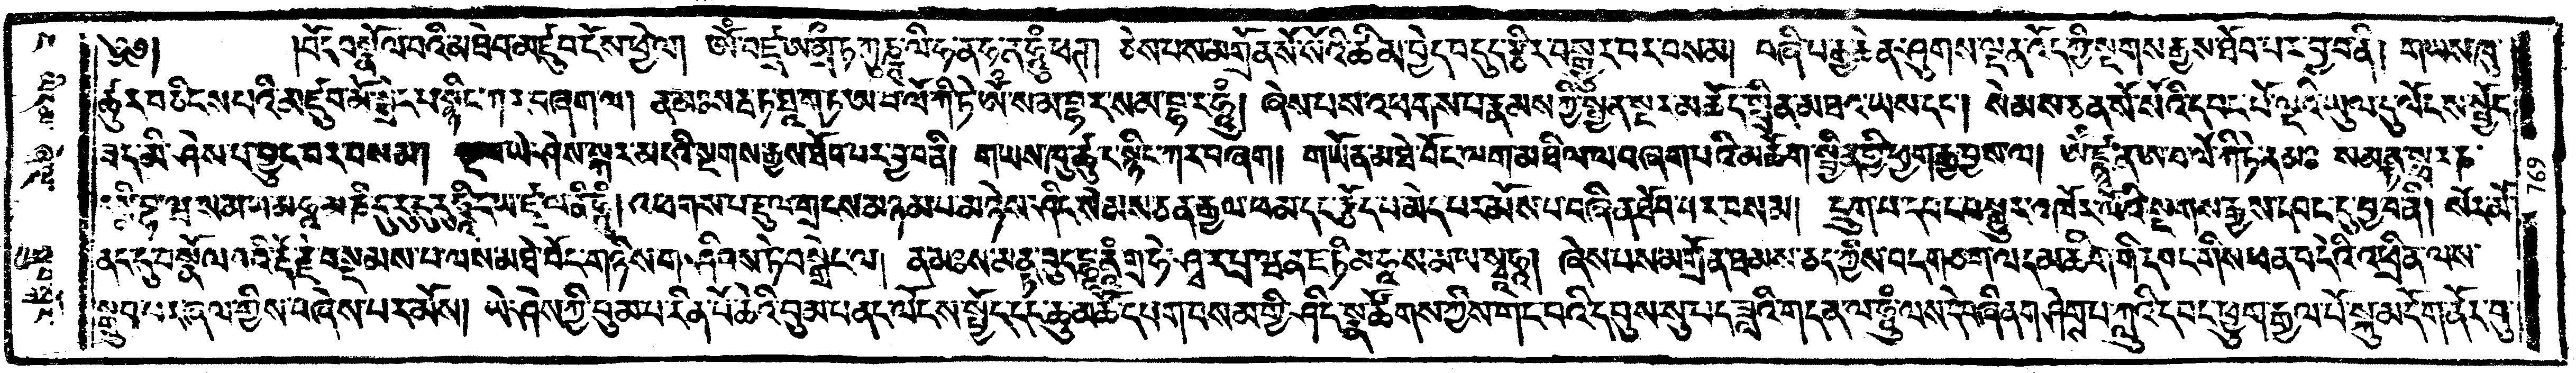༄༅། །བོད་བསྣོལ་བའི་མཐེབ་མཛུབ་ངོས་ཕྱེ་ལ། ཨོཾ་བཛྲ་ཨྀམྲ་ཏ་ཀུཎྚ་ལི་ཧན་ཧན་ཧཱུཾ་ཕཊ། ཅེས་བསམ་མགྲོན་སོ་སོའི་ཚིམ་བྱེད་བདུད་རྩིར་བསྒྱུར་བར་བསམ། བཞི་པ་རྒྱ་ཆེན་ཤུགས་ལྡན་འོད་ཀྱི་སྔགས་རྒྱས་ཐོབ་པར་བྱ་བ་ནི། གཡས་ཁུ་
ཚུར་བཅིངས་པའི་མཛུབ་མོ་སྒྲེང་པ་སྙིང་ཀར་བཞག་ལ། ནམ་Hསརྦ་ཏ་ཐཱ་ག་ཏ་ཨ་པ་ལོ་ཀི་ཏེ་ཨོཾ་སམ་བྷ་ར་སམ་བྷར་ཧཱུཾ། ཞེས་པས་འཕགས་པ་རྣམས་ཀྱི་སྤྱན་སྔར་མཆོད་སྤྲིན་མཐའ་ཡས་དང་། སེམས་ཅན་སོ་སོའི་དབང་པོ་ལྔའི་ཡུལ་དུ་ལོངས་སྤྱོད་
ཟད་མི་ཤེས་པ་བྱུང་བར་བསམ། ལྔ་པ་ཡེ་ཤེས་སྐར་མངའི་སྔགས་རྒྱས་ཐོབ་པར་བྱ་བ་ནི། གཡས་ཁུ་ཚུར་སྙིང་ཀར་བཞག། གཡོན་མཐེ་བོང་ལག་མཐིལ་ལ་བཞགས་པའི་མཆོག་སྦྱིན་གྱི་ཕྱག་རྒྱ་བྱས་ལ། ཨོཾ་ཛྙཱ་ན་ཨ་བ་ལོ་ཀི་ཏེ་ནམཿ ས་མནྟ་སྥར་ཎ་
རསྨི་བྷ་ཝ་ས་མ་ཡ་མ་ཧཱ་མ་ཎི་དུ་རུ་དུ་རུ་ཧྲཱི་ད་ཡ་ཛྭ་ལ་ནི་ཧཱུཾ། འཕགས་པ་རྡུལ་གྲངས་མཉམ་པ་མཉེས་ཤིང་སེམས་ཅན་རྒྱལ་ཕམ་དང་རྩོད་པ་མེད་པར་མོས་པ་བཞིན་ཐོབ་པར་བསམ། དྲུག་པ་དབང་བསྒྱུར་འཁོར་ལོའི་སྔགས་རྒྱས་དབང་དུ་བྱ་བ་ནི། སོར་མོ་
ནང་དུ་བསྣོལ་བའི་རྡོ་རྗེ་བསྔམས་པ་ལས་མཐེ་བོང་གཉིས་གཤིབས་ཏེ་བསྒྲེང་ལ། ནམཿ ས་མནྟ་བུད་དྷཱ་ནཱཾ་གྲ་ཧེ་ཤྭ་ར་པྲ་ཝན་ཛ་ཏི་མ་ཧཱ་ས་མ་ཡ་སྭཱ་ཧཱ། ཞེས་པས་མགྲོན་ཐམས་ཅད་ཀྱིས་བདག་གཅག་ལ་དམ་ཚིག་གི་དབང་གིས་ཕན་བདེའི་འཕྲིན་ལས་
སྒྲུབ་པར་ཞལ་གྱིས་བཞེས་པར་མོས། ཡེ་ཤེས་ཀྱི་བུམ་པ་རིན་པོ་ཆེའི་བུམ་པ་ནང་ལོངས་སྤྱོད་དང་ཆུ་མཚོ་དཔག་བསམ་གྱི་ཤིང་སྣ་ཚོགས་ཀྱིས་གང་བའི་དབུས་སུ་པད་ཟླའི་གདན་ལ་ཧཱུཾ་ལས་དེ་བཞིན་གཤེགས་པ་ལུའི་དབང་ཕྱུག་རྒྱལ་པོ་སྐུ་མདོག་ནོར་བུ་